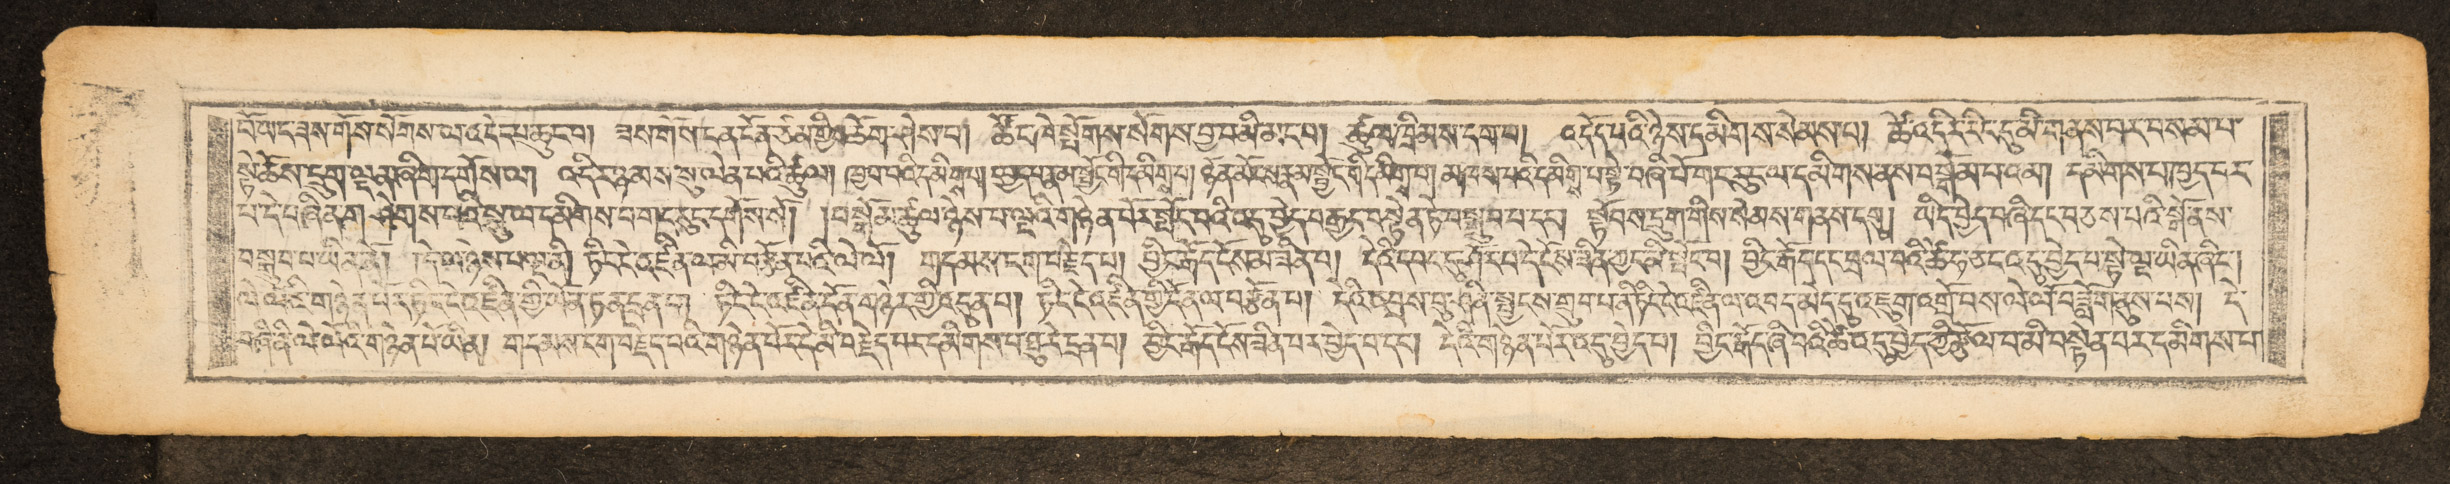པོ་ཡང་ཟས་གོས་སོགས་ལ་འདོད་པ་ཆུང་བ། ཟས་གོས་ངན་དོན་ཙམ་གྱིས་ཆོག་ཤེས་པ། ཚོང་ཁེ་སྤོགས་སོགས་བྱ་བ་མི་མང་བ། ཚུལ་ཁྲིམས་དག་པ། འདོད་པའི་ཉེས་དམིགས་སེམས་པ། ཚེ་འདིར་རིང་དུ་མི་གནས་པར་བསམ་པ་
སྟེ་ཆོས་དྲུག་ལྡན་ཞིག་དགོས་ལ། འདིར་ཉམས་སུ་ལེན་པའི་ཚུལ། ཁྱབ་པའི་དམིགས་པ། དཔྱད་པ་རྣམ་སྦྱོང་གི་དམིགས་པ། ཉོན་མོངས་རྣམ་སྦྱོང་གི་དམིགས་པ། མཁས་པའི་དམིགས་པ་སྟེ་བཞི་པོ་གང་རུང་ལ་དམིགས་ནས་བསྒོམ་པ་འམ། དམིགས་པ་ཁྱད་པར་
པ་དེ་བཞིན་གཤེགས་པའི་སྐུ་ལ་དམིགས་པ་གང་རུང་དགོས་སོ། །བསྒོམ་ཚུལ་ཉེས་པ་ལྔའི་གཉེན་པོར་སྤོང་བའི་འདུ་བྱེད་བརྒྱད་བསྟེན་ཏེ་བསྒྲུབ་པ་དང་། སྟོབས་དྲུག་གིས་སེམས་གནས་དགུ། ཡིད་བྱེད་བཞི་དང་བཅས་པའི་སྒོ་ནས་
བསྒྲུབ་པ་ཡིན་ནོ། །དེ་ལ་ཉེས་པ་ལྔ་ནི། ཏིང་ངེ་འཛིན་ལ་མི་བརྩོན་པའི་ལེ་ལོ། གདམས་ངག་བརྗེད་པ། བྱིང་རྒོད་ངོས་མ་ཟིན་པ། དེའི་དབང་དུ་ཤོར་བ་དེ་ངོས་ཟིན་ཀྱང་མི་སྤོང་བ། བྱིང་རྒོད་དང་བྲལ་བའི་ཚེ་ཧ་ཅང་འདུ་བྱེད་པ་སྟེ་ལྔ་ཡིན་ཞིང་།
ལེ་ལོའི་གཉེན་པོར་ཏིང་ངེ་འཛིན་གྱི་ཡོན་ཏན་དྲན་པ། ཏིང་ངེ་འཛིན་དོན་གཉེར་གྱི་འདུན་པ། ཏིང་ངེ་འཛིན་གྱི་དོན་ལ་བརྩོན་བ། དེའི་འབྲས་བུ་ཤིན་སྦྱངས་གྲུབ་པ་ནི་ཏིང་ངེ་འཛིན་ལ་འབད་མེད་དུ་འཇུག་འགྲོ་བས་ལེ་ལོ་བཟློག་ནུས་པས། དེ་
བཞི་ནི་ལེ་ལོའི་གཉེན་པོ་ཡིན། གདམས་ངག་བརྗེད་པའི་གཉེན་པོར་དེ་མི་བརྗེད་པར་དམིགས་པ་ཐུ་རེ་དྲན་པ། བྱིང་རྒོད་ངོས་ཟིན་པར་བྱེད་པ་དང་། དེའི་གཉེན་པོར་འདུ་བྱེད་པ། བྱིང་རྒོད་ཞི་བའི་ཚེ་འདུ་བྱེད་ཀྱི་རྩོལ་བ་མི་བསྟེན་པར་དམིགས་པ།